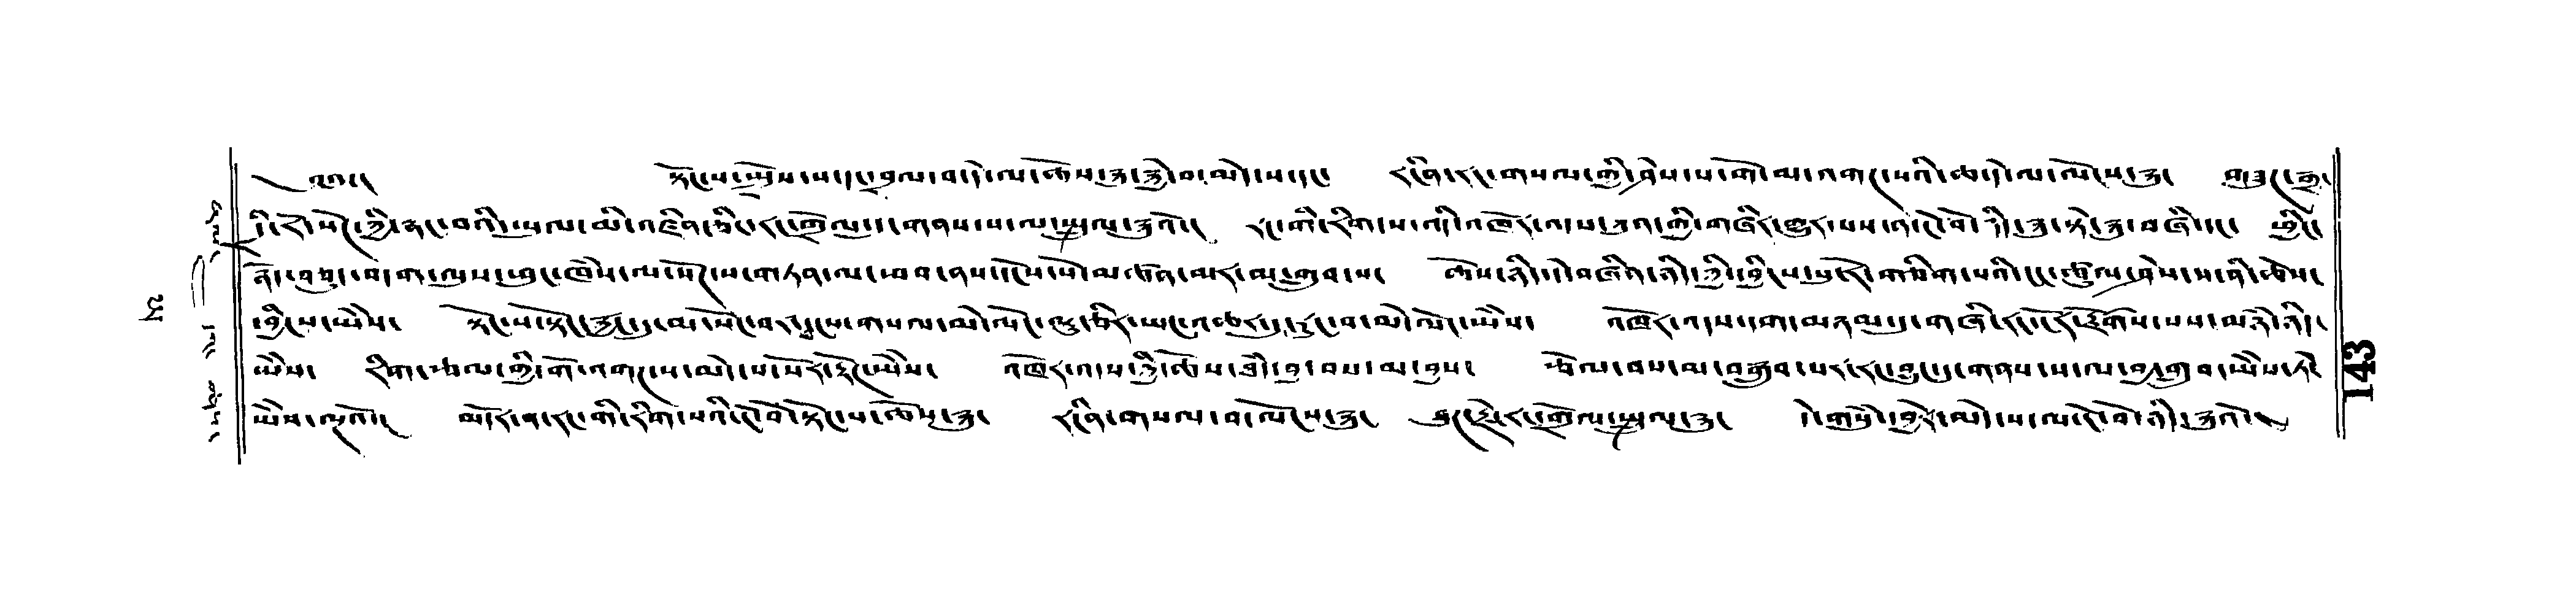སྟོང་པ་སྤྲོས་པ་དང་བྲལ་བ་དེ་ལ་ཆོས་སྐུ་སྐྱེ་བ་མེད་པ་དང་། རང་བཞིན་རང་གསལ་གྱི་ཤེས་པ་གོ་མ་འགགས་པའི་ཆ་དེ་ལ་ལོངས་སྐུ། གཟུགས་སྒྲ་
དྲི་རོ་སོགས་ཀྱི་སྣང་བའི་ཡུལ་མི་འཛིན་ཅིང་རང་གྲོལ་དུ་གནས་པ་ལ་སྤྲུལ་སྐུའོ། རང་གི་རིག་པ་འདི་འཁོར་འདས་ཀུན་གྱི་གཞིར་གྱུར་པས་ན་ངོ་བོ་ཉིད་སྐུ་སྟེ་སྐུ་བཞི་དང་། ཕྱི་ནང་
སྣོད་བཅུད་བདག་ལུས་ཕུང་ཁམས་ལ་སོགས་པ་གཏན་ལ་ཕབ་ནས་དངོས་པོ་མཚན་མར་མ་གྲུབ་པ། ཆོས་ཉིད་དེ་བཞིན་ཉིད་ཀྱི་དབྱིངས་སུ་རོ་གཅིག་པའི་ངང་ཚུལ་ཤེས་པ་ནི་ཆོས་
དབྱིངས་ཡེ་ཤེས། སྟོང་པ་སྟོང་རྐྱང་དུ་མ་སོང་བར་དྭངས་གསལ་མེ་ལོང་ལྟ་བུ་ཅིར་ཡང་འཆར་དུ་རུང་བ་མེ་ལོང་ཡེ་ཤེས། འཁོར་འདས་དག་མཉམ་དུ་གཞི་རང་ངོར་རྫོགས་པས་མཉམ་ཉིད་
ཡེ་ཤེས།རིག་རྩལ་གྱི་གོ་འགགས་པ་མེད་པ་སོར་རྟོགས་ཡེ་ཤེས། འཁོར་འདས་ཀྱི་ཆོས་ཐམས་ཅད་བྱ་བས་མ་བྱས། རྩོལ་བས་མ་བསྒྲུབས་པར་རང་བྱུང་དུ་གནས་པ་ལ་བྱ་གྲུབ་ཡེ་ཤེས་ཏེ་
ཡེ་ཤེས་ལྔའོ། མདོར་ན་རང་གི་རིག་པའི་ངོ་བོ་སྟོང་པ་ཆོས་སྐུ། རང་བཞིན་གསལ་བ་ལོངས་སྐུ། ཐུགས་རྗེ་རང་གྲོལ་སྤྲུལ་སྐུ། དེ་གསུམ་དབྱེར་མེད་པ་ངོ་བོ་ཉིད་སྐུའོ།